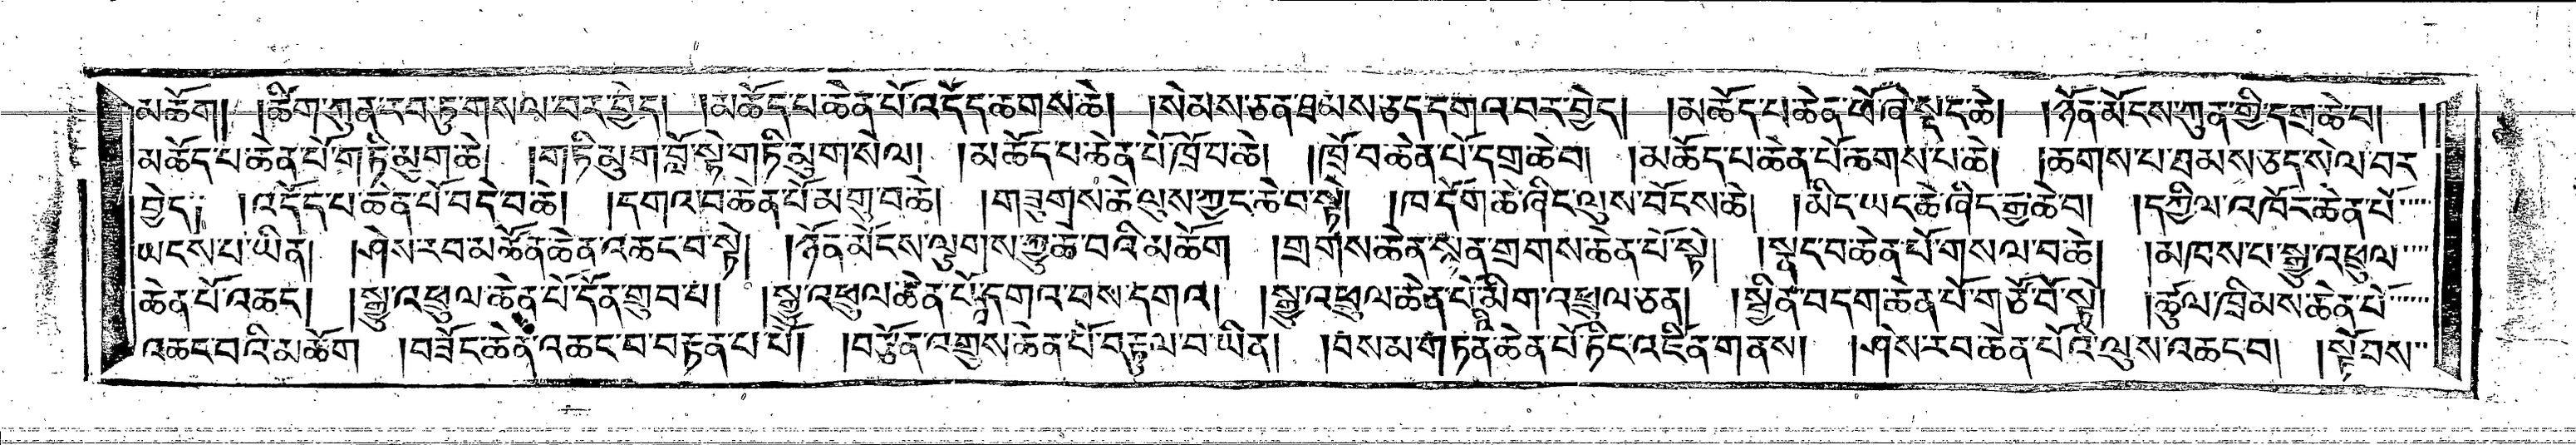མཆོག །ཚིག་ཀུན་རབ་ཏུ་གསལ་བར་བྱེད། །མཆོད་པ་ཆེན་པོ་འདོད་ཆགས་ཆེ། །སེམས་ཅན་ཐམས་ཅད་དགའ་བར་བྱེད། །མཆོད་པ་ཆེན་ཕོ་ཞེ་སྡང་ཆེ། །ཉོན་མོངས་ཀུན་གྱི་དགྲ་ཆེ་བ། །
མཆོད་པ་ཆེན་པོ་གཏི་མུག་ཆེ། །གཏི་མུག་བློ་སྟེ་གཏི་མུག་སེལ། །མཆོད་པ་ཆེན་པོ་ཁྲོ་པ་ཆེ། །ཁྲོ་བ་ཆེན་པོ་དགྲ་ཆེ་བ། །མཆོད་པ་ཆེན་པོ་ཆགས་པ་ཆེ། །ཆགས་པ་ཐམས་ཅད་སེལ་བར་
བྱེད། །འདོད་པ་ཆེན་པོ་བདེ་བ་ཆེ། །དགའ་བ་ཆེན་པོ་མགུ་བ་ཆེ། །གཟུགས་ཆེ་ལུས་ཀྱང་ཆེ་བ་སྟེ། །ཁ་དོག་ཆེ་ཞིང་ལུས་བོངས་ཆེ། །མིང་ཡང་ཆེ་ཞིང་རྒྱ་ཆེ་བ། །དཀྱིལ་འཁོར་ཆེན་པོ་
ཡངས་པ་ཡིན། །ཤེས་རབ་མཚོན་ཆེན་འཆང་བ་སྟེ། །ཉོན་མོངས་ལྕགས་ཀྱུ་ཆེ་བའི་མཆོག །གྲགས་ཆེན་སྙན་གྲགས་ཆེན་པོ་སྟེ། །སྣང་བ་ཆེན་པོ་གསལ་བ་ཆེ། །མཁས་པ་སྒྱུ་འཕྲུལ་
ཆེན་པོ་འཆང་། །སྒྱུ་འཕྲུལ་ཆེན་པོ་དོན་གྲུབ་པ། །སྒྱུ་འཕྲུལ་ཆེན་པོའི་དགའ་བས་དགའ། །སྒྱུ་འཕྲུལ་ཆེན་པོའི་མིག་འཕྲུལ་ཅན། །སྦྱིན་བདག་ཆེན་པོ་གཙོ་བོ་སྟེ། །ཚུལ་ཁྲིམས་ཆེན་པོ་
འཆང་བའི་མཆོག །བཟོད་ཆེན་འཆང་བ་བརྟན་པ་པོ། །བརྩོན་འགྲུས་ཆེན་པོ་བརྟུལ་བ་ཡིན། །བསམ་གཏན་ཆེན་པོ་ཏིང་འཛིན་གནས། །ཤེས་རབ་ཆེན་པོའི་ལུས་འཆང་བ། །སྟོབས་